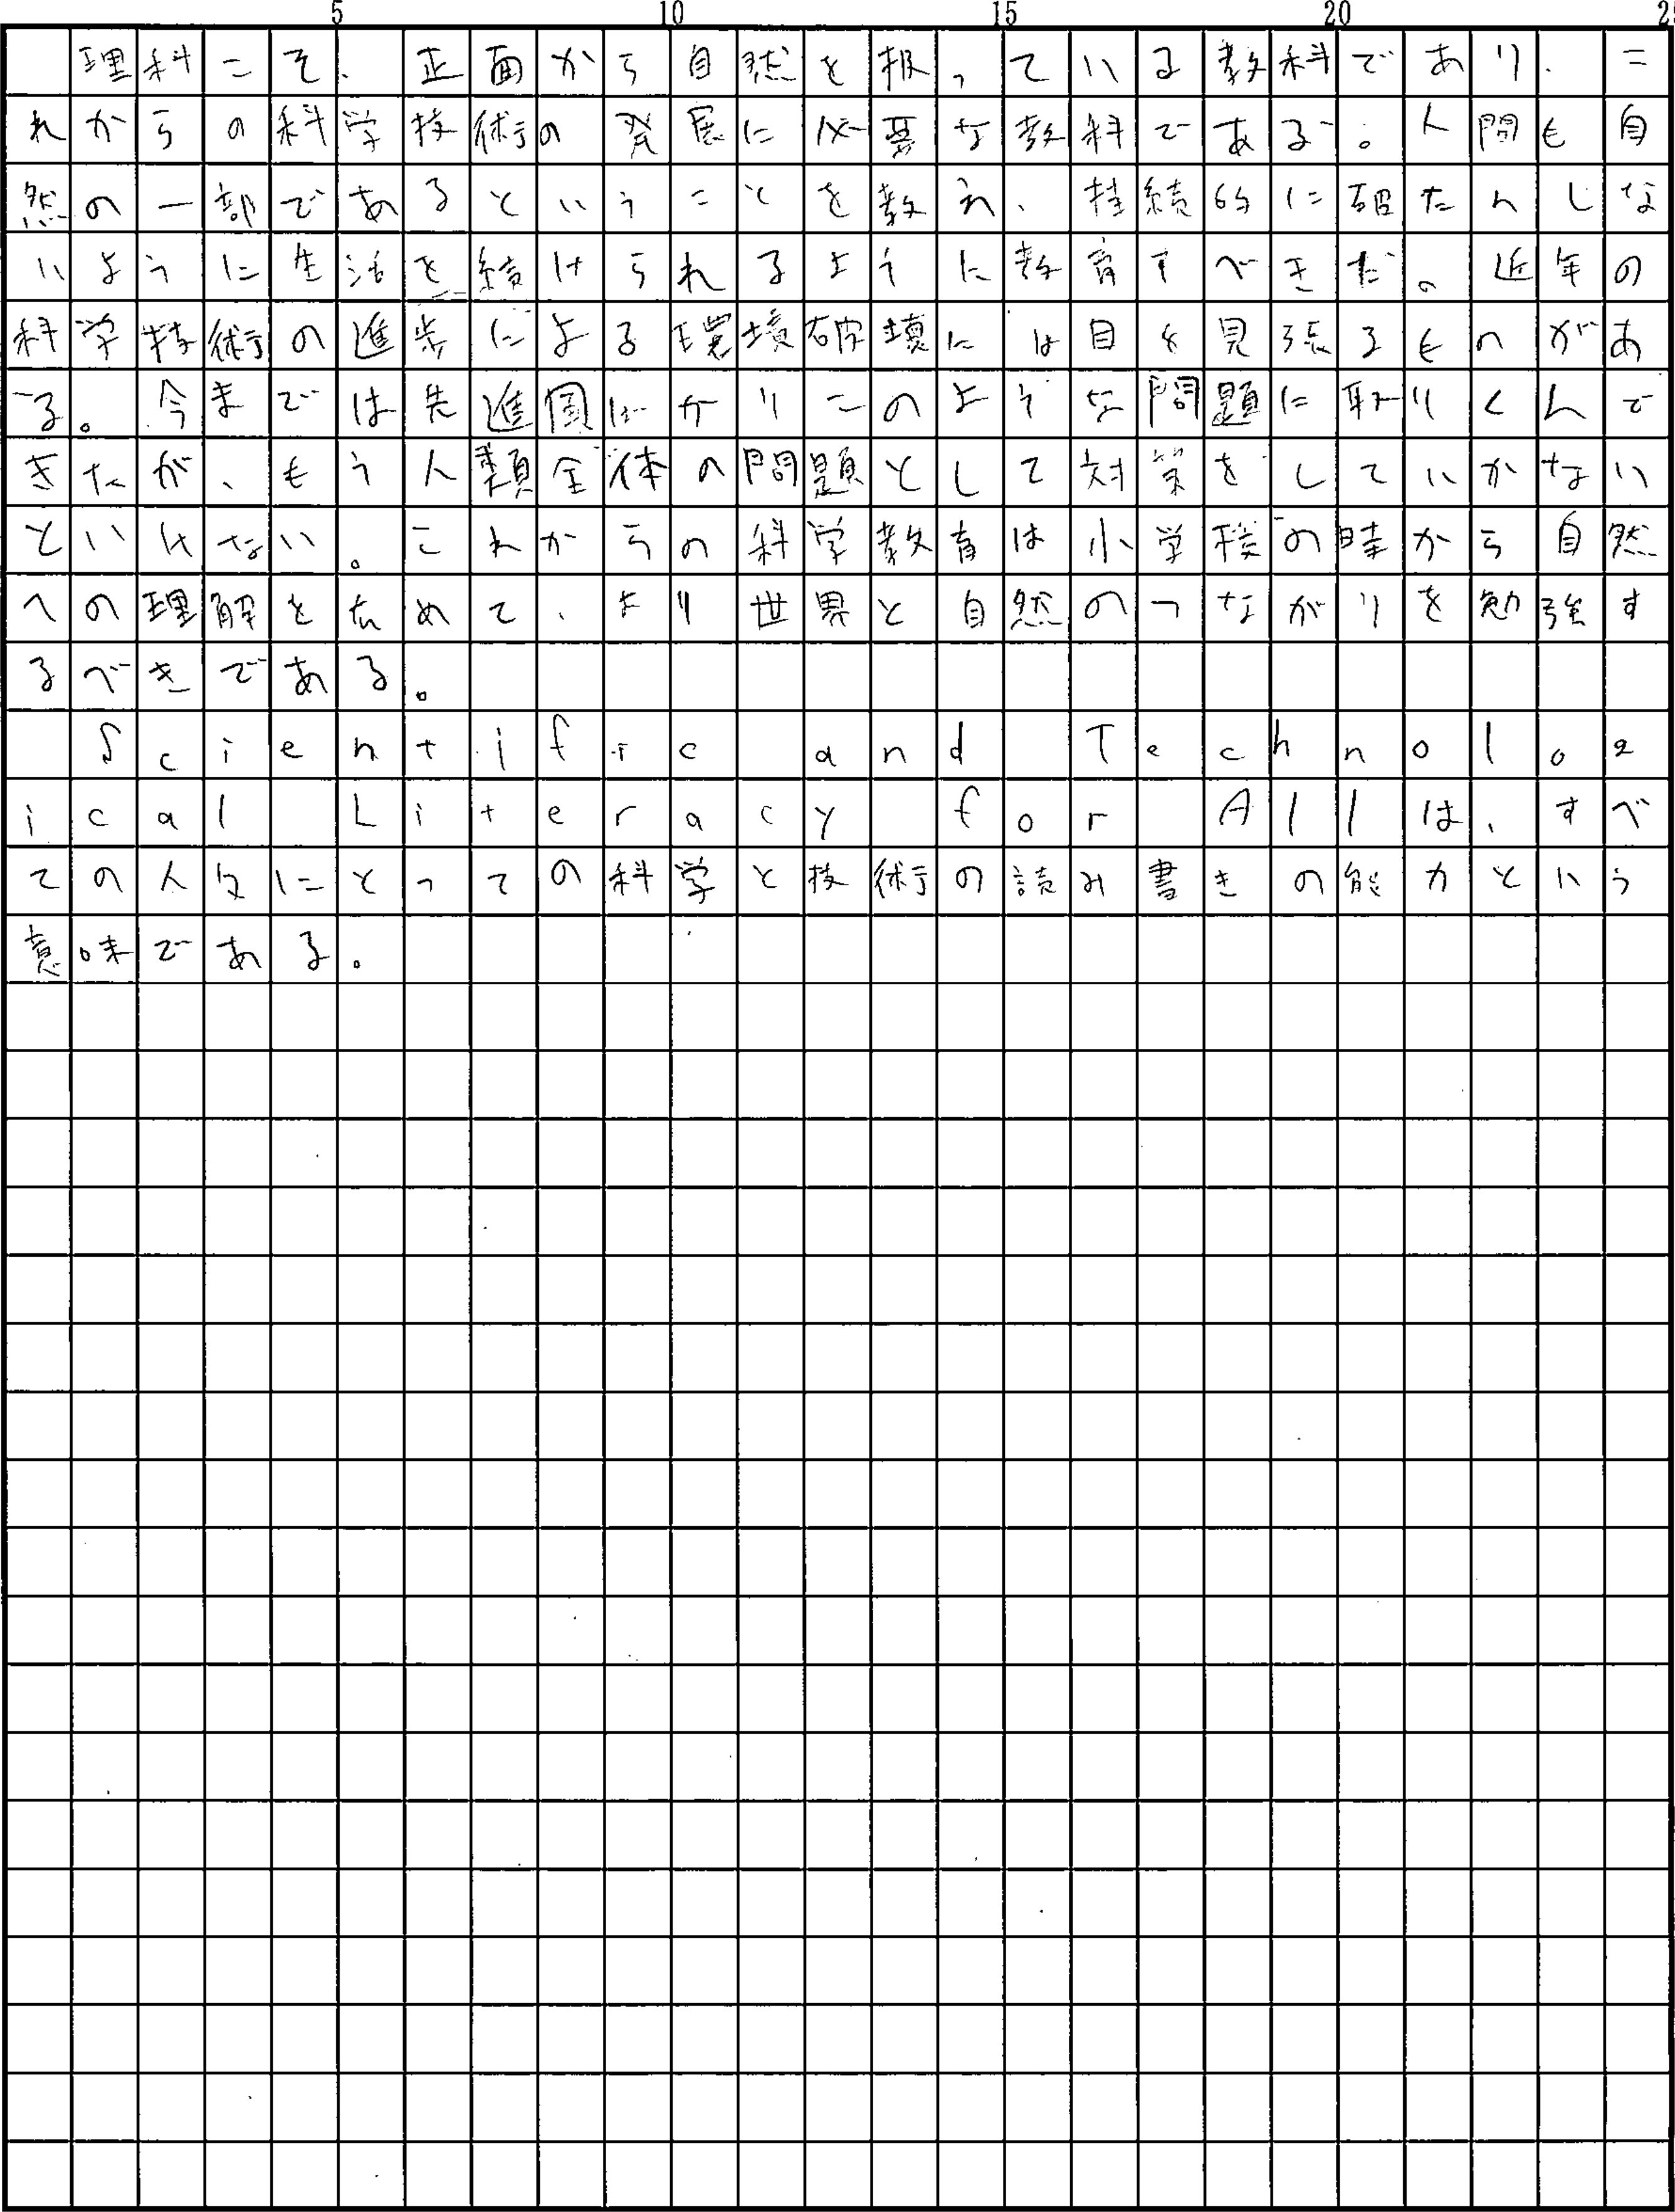　理科こそ、正面から自然を扱っている教科であり、これからの科学技術の発展に必要な教科である。人間も自然の一部であるということを教え、持続的に破たんしないように生活を続けられるように教育すべきだ。近年の科学技術の進歩による環境破壊には目を見張るものがある。今までは先進国ばかりこのような問題に取りくんできたが、もう人類全体の問題として対策をしていかないといけない。これからの科学教育は小学校の時から自然への理解を広めて、より世界と自然のつながりを勉強するべきである。
　Ｓｃｉｅｎｔｉｆｉｃ　ａｎｄ　Ｔｅｃｈｎｏｌｏｇｉｃａｌ　Ｌｉｔｅｒａｃｙ　ｆｏｒ　Ａｌｌは、すべての人々にとっての科学と技術の読み書きの能力という意味である。
